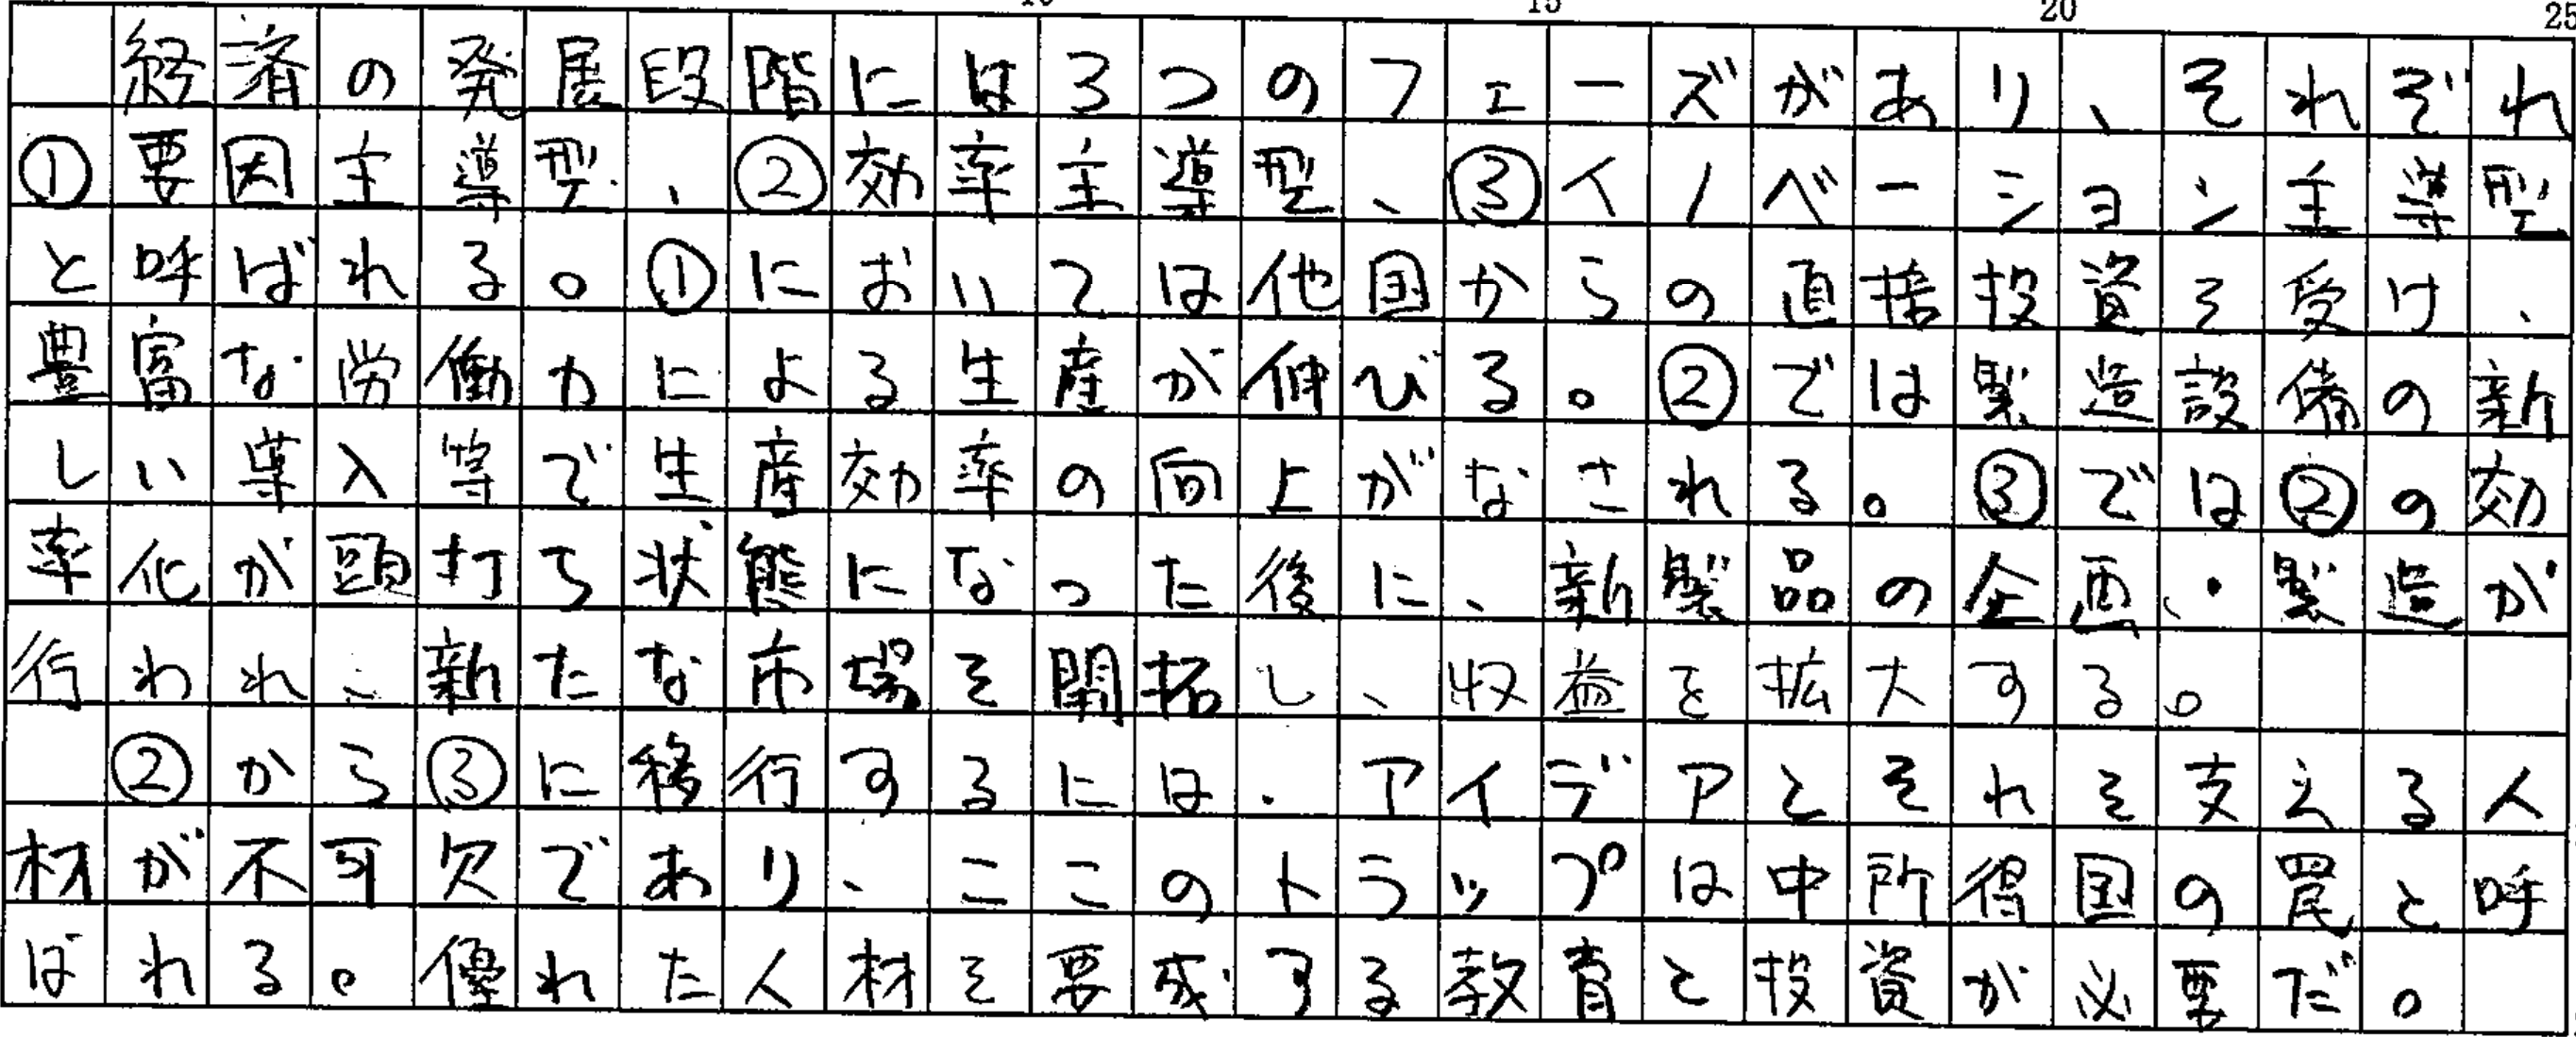　経済の発展段階には３つのフェーズがあり、それぞれ①要因主導型、②効率主導型、③イノベーション主導型と呼ばれる。①においては他国からの直接投資を受け、豊富な労働力による生産が伸びる。②では製造設備の新しい導入等で生産効率の向上がなされる。③では②の効率化が頭打ち状態になった後に、新製品の企画・製造が行われ、新たな市場を開拓し、収益を拡大する。
　②から③に移行するには、アイデアとそれを支える人材が不可欠であり、ここのトラップは中所得国の罠と呼ばれる。優れた人材を要成する教育と投資が必要だ。
